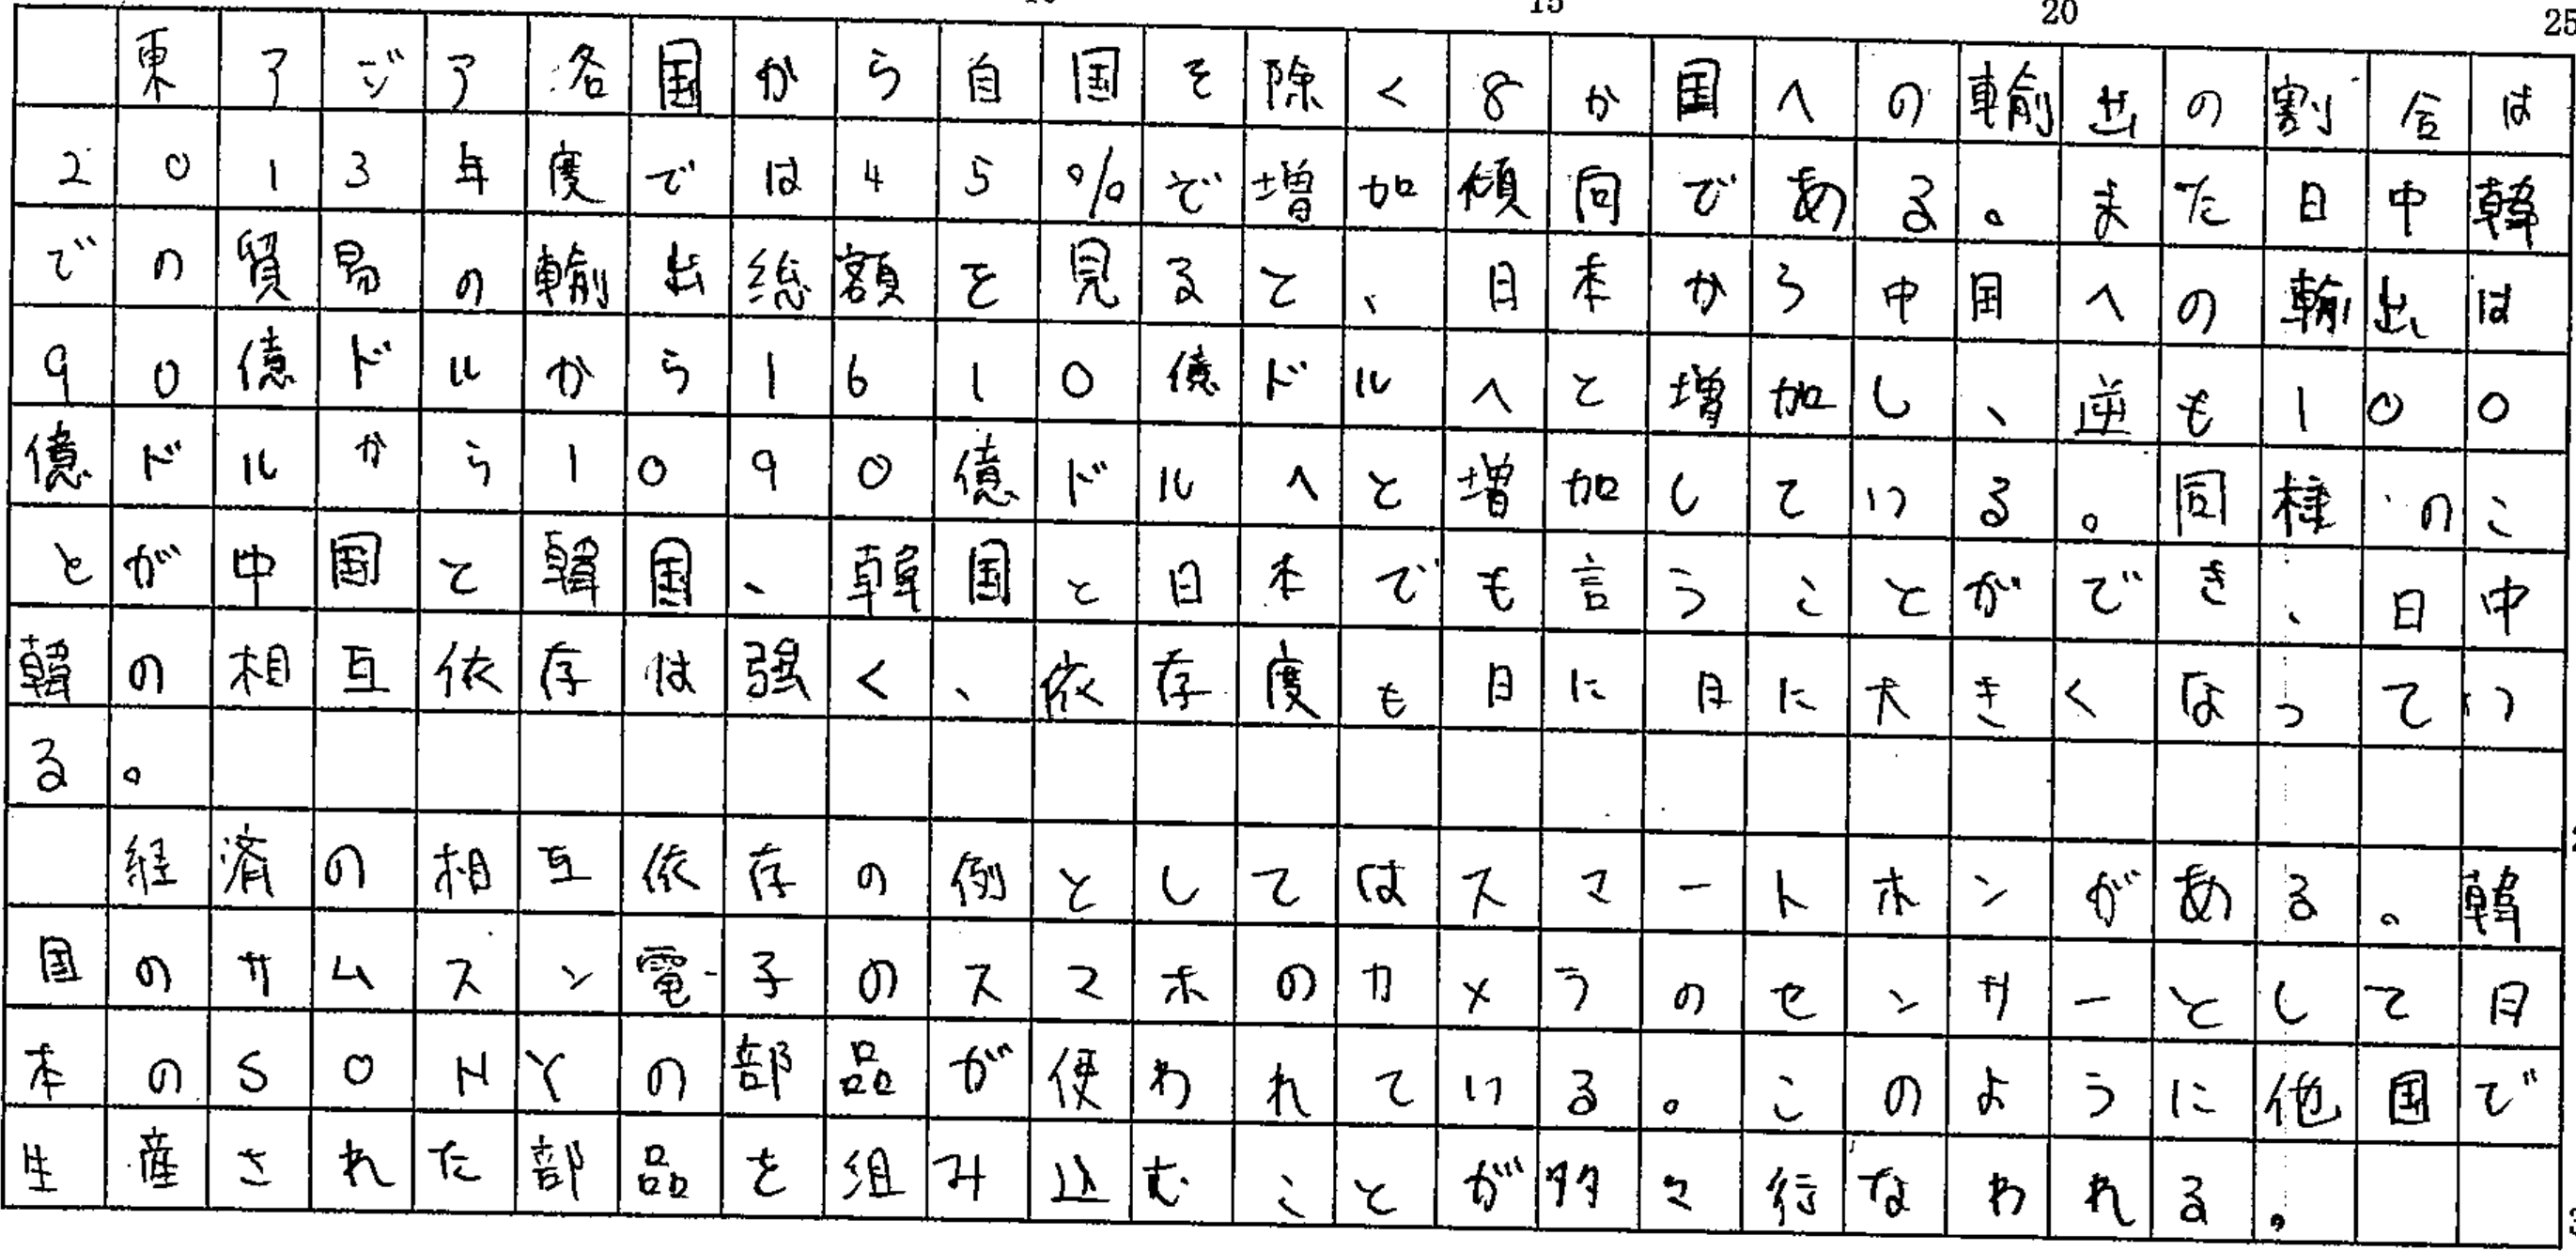　東アジア各国から自国を除く８か国への輸出の割合は２０１３年度では４５％で増加傾向である。また日中韓での貿易の輸出総額を見ると、日本から中国への輸出は９０億ドルから１６１０億ドルへと増加し、逆も１００億ドルから１０９０億ドルへと増加している。同様のことが中国と韓国、韓国と日本でも言うことができ、日中韓の相互依存は強く、依存度も日に日に大きくなっている。
　経済の相互依存の例としてはスマートホンがある。韓国のサムスン電子のスマホのカメラのセンサーとして日本のＳＯＮＹの部品が使われている。このように他国で生産された部品を組み込むことが多々行なわれる。
